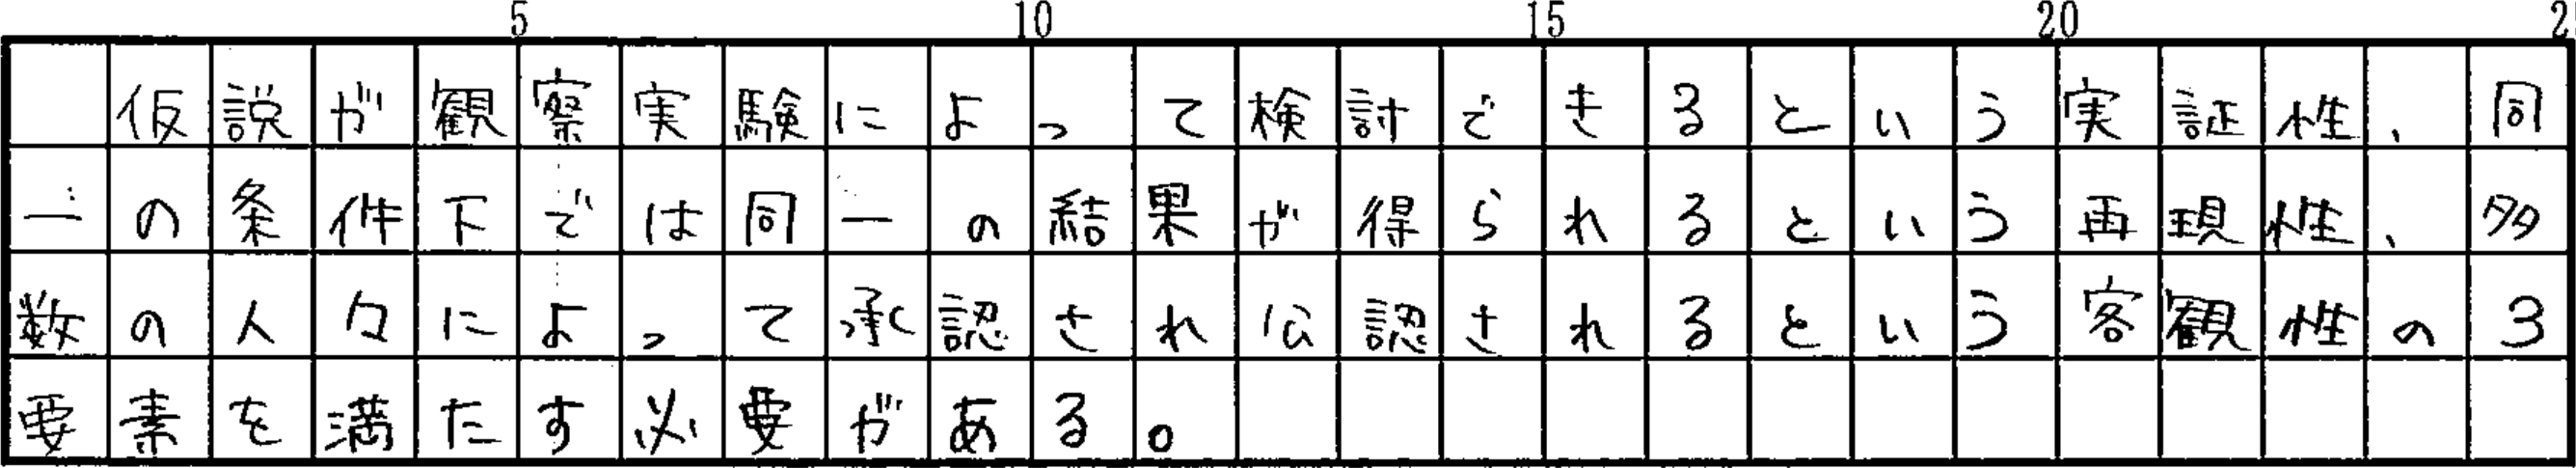　仮説が観察実験によって検討できるという実証性、同一の条件下では同一の結果が得られるという再現性、多数の人々によって承認され公認されるという客観性の３要素を満たす必要がある。
